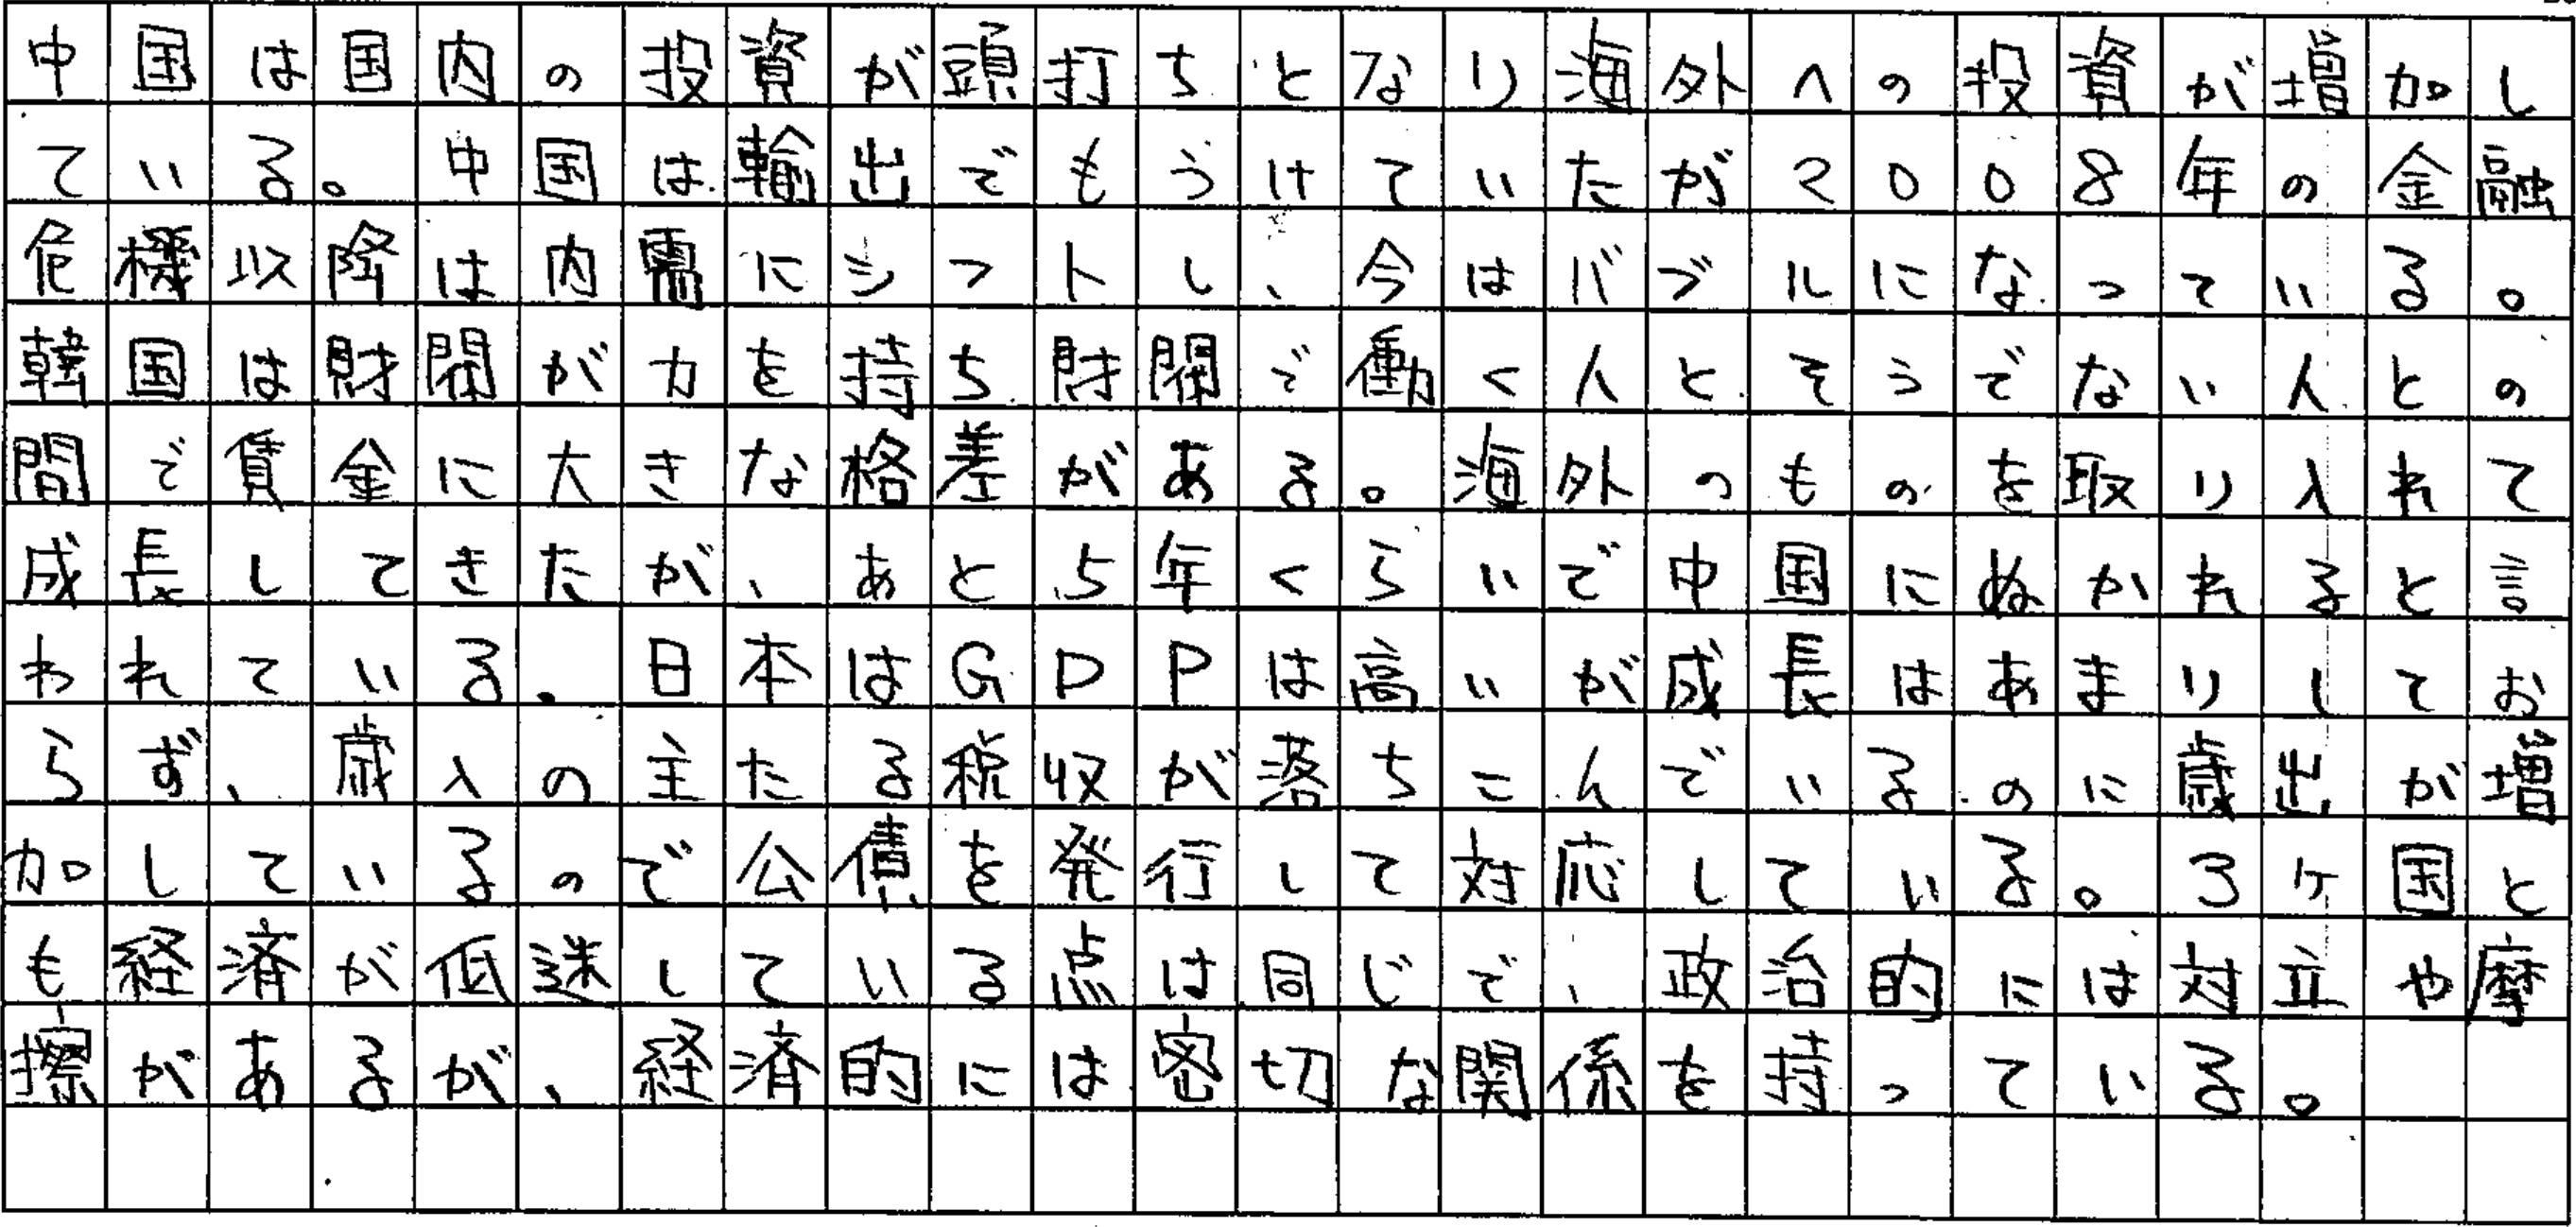中国は国内の投資が頭打ちとなり海外への投資が増加している。中国は輸出でもうけていたが２００８年の金融危機以降は内需にシフトし、今はバブルになっている。韓国は財▁が力を持ち財▁で働く人とそうでない人との間で賃金に大きな格差がある。海外のものを取り入れて成長してきたが、あと５年くらいで中国にぬかれると言われている。日本はＧＤＰは高いが成長はあまりしておらず、歳入の主たる税収が落ちこんでいるのに歳出が増加しているので公債を発行して対応している。３ヶ国とも経済が低迷している点は同じで、政治的には対立や摩擦があるが、経済的には密切な関係を持っている。
